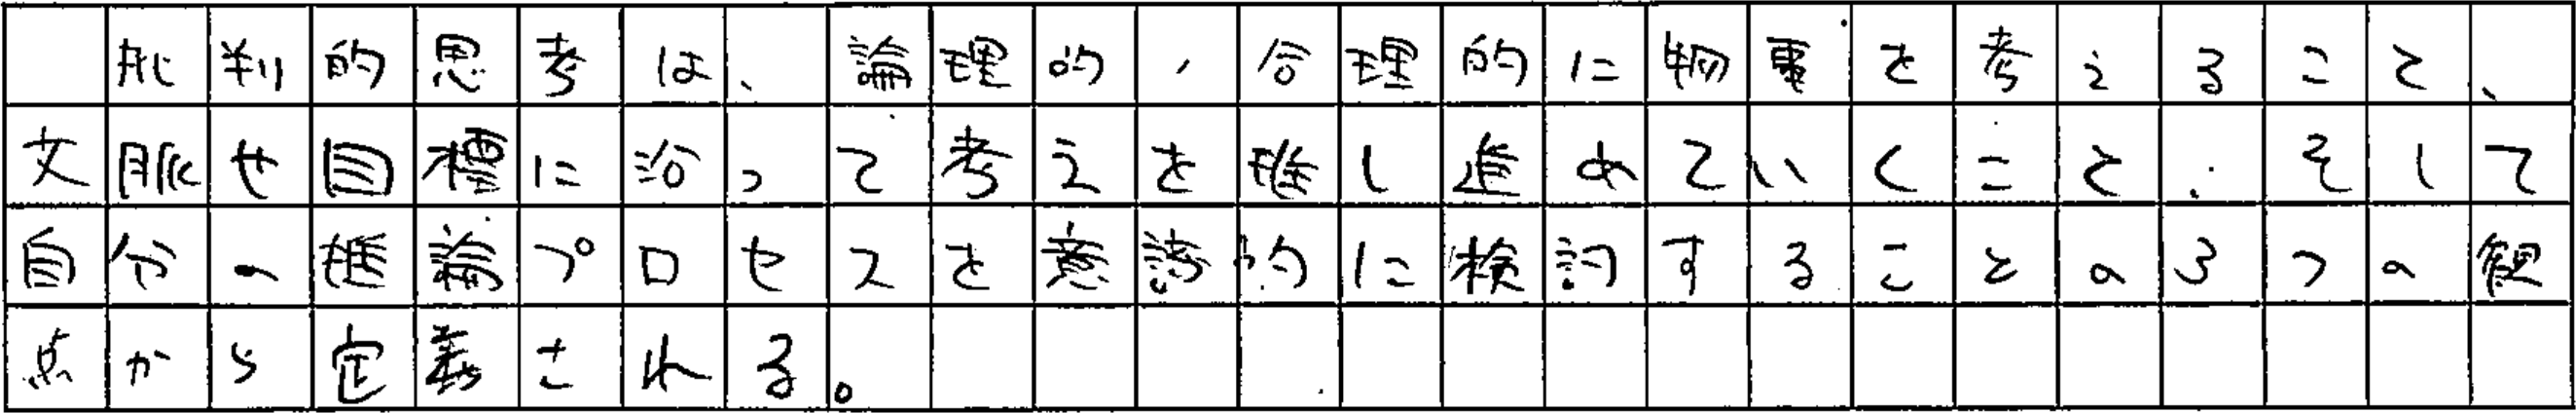　批判的思考は、論理的・合理的に物事を考えること、文脈や目標に沿って考えを推し進めていくこと、そして自分の推論プロセスを意識的に検討することの３つの観点から定義される。
